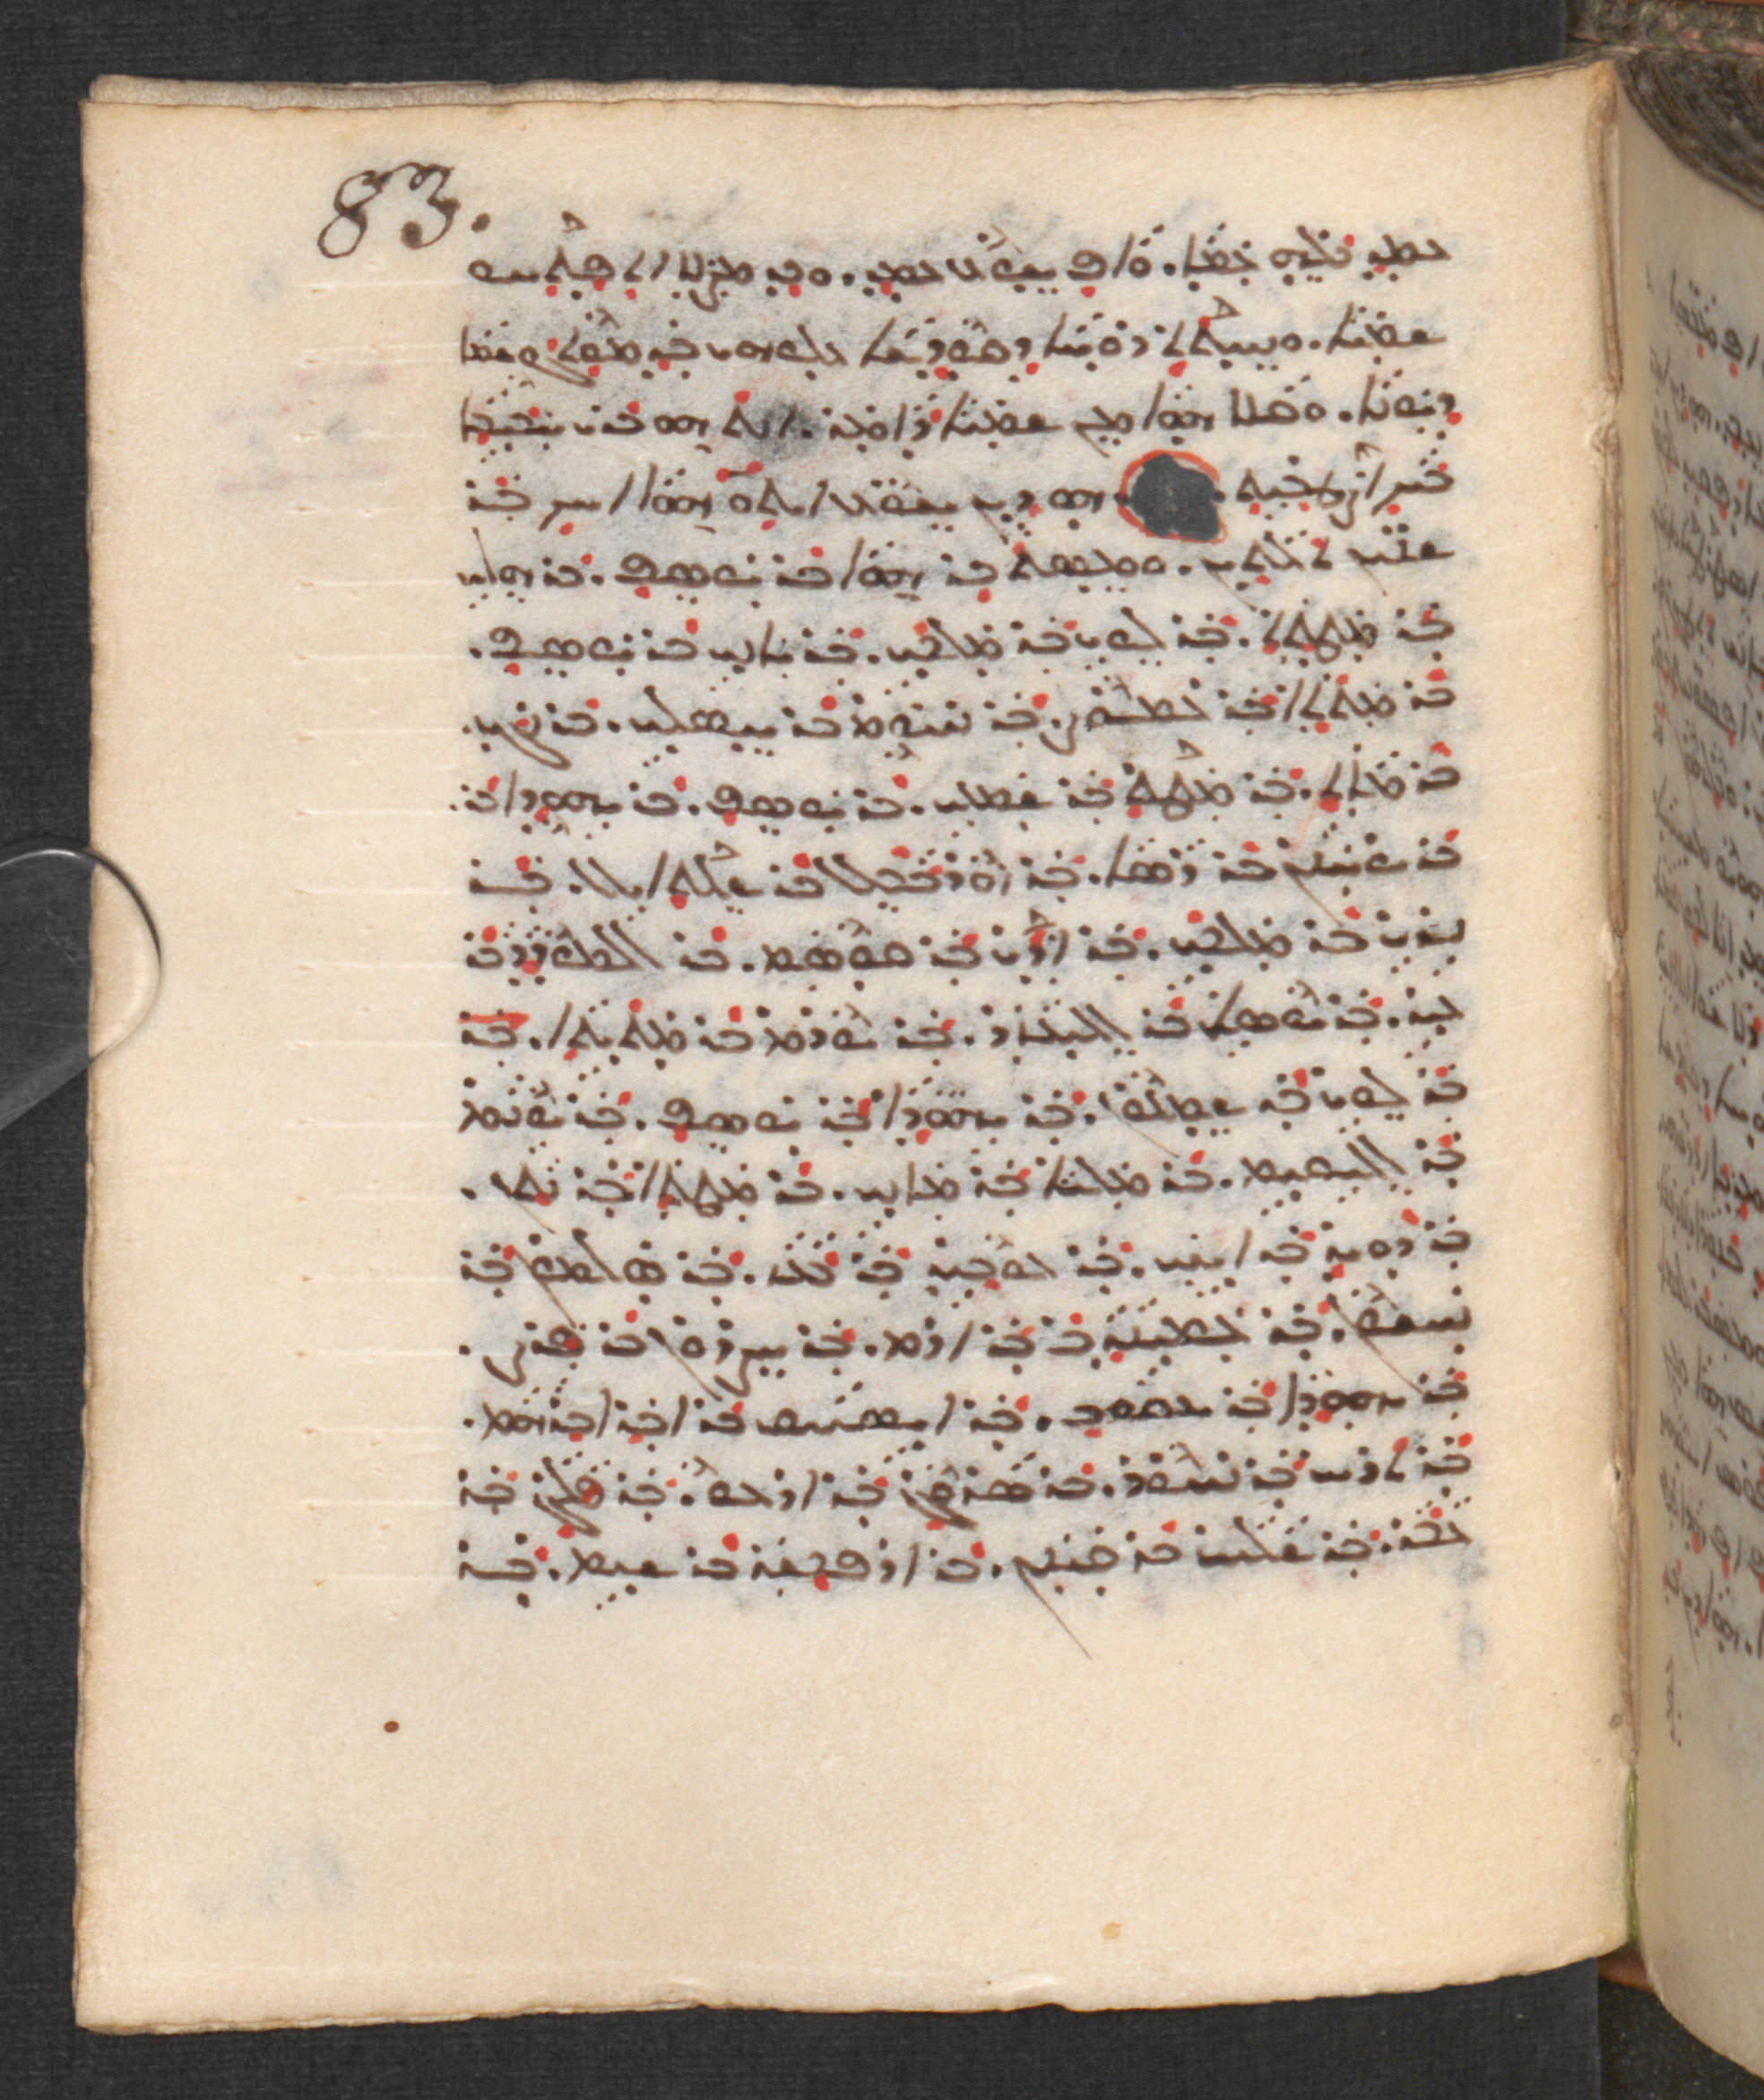ܥܡ̣ܕ ܟܠܗ ܥܡܐ܆ ܘܐܦ ܝܫܘܥ ܥܡ̣ܕ. ܘܟܕ ܡܨܠܐ ܐܬܦܬܚܘ
ܫܡ̈ܝܐ. ܘܢܚܬܬ݀ ܪܘܚܐ ܕܩܘܕܫܐ ܥܠܘܗܝ ܒܕܡܘܬ ܓܘܫܡܐ
ܕܝܘܢܐ. ܘܩܠܐ ܗܘ̣ܐ ܡ̣ܢ ܫܡܝܐ ܕܐܡ̇ܪ. ܐܢܬ ܗܘ ܒܪܝ ܚܒܝܒܐ
ܒܟ ܐܨܛܒܝܬ .܀. ܗ̣ܘ ܕܝܢ ܝܫܘܥ ܐܝܬ܏ܘ ܗܘܐ ܐܝܟ ܒܪ
ܫܢ̈ܝܢ ܬܠܬܝܢ. ܘܡܣܬܒܪ ܗܘܐ ܒܪ ܝܘܣܦ. ܒܪ ܗܠܝ
ܒܪ ܡܛܬܬ. ܒܪ ܠܘܝ ܒܪ ܡܠܟܝ. ܒܪ ܝܐܢܝ ܒܪ ܝܘܣܦ.
ܒܪ ܡܬܬܐ ܒܪ ܥܡܘܨ. ܒܪ ܢܚܘܡ ܒܪ ܚܣܠܝ. ܒܪ ܢܓܝ܆
ܒܪ ܡܐܬ. ܒܪ ܡܛܬ ܒܪ ܫܡܥܝ. ܒܪ ܝܘܣܦ. ܒܪ ܝܗܘܕܐ ܒܪ.
ܒܪ ܝܘܚܢܢ ܒܪ ܪܣܐ. ܒܪ ܙܘܪܒܒܠ ܒܪ ܫܠܬܐܝܠ. ܒܪ
ܢܪܝ ܒܪ ܡܠܟܝ. ܒܪ ܐܕܝ ܒܪ ܩܘܣܡ. ܒܪ ܐܠܡܘܕܕ ܒܪ
ܥܝܪ. ܒܪ ܝܘܣܐ ܒܪ ܐܠܝܥܙܪ. ܒܪ ܝܘܪܡ ܒܪ ܡܬܝܬܐ ܒܪ
ܒܪ ܠܘܝ ܒܪ ܫܡܥܘܢ. ܒܪ ܝܗܘܕܐ ܒܪ ܝܘܣܦ. ܒܪ ܝܘܢܡ
ܒܪ ܐܠܝܩܝܡ. ܒܪ ܡܠܝܐ ܒܪ ܡܐܢܝ. ܒܪ ܡܛܬܐ ܒܪ ܢܬܢ.
ܒܪ ܕܘܝܕ ܒܪ ܐܝܫܝ. ܒܪ ܥܘܒܝܕ ܒܪ ܒܥܙ. ܒܪ ܣܠܡܘܢ ܒܪ
ܢܚܫܘܢ. ܒܪ ܥܡܝܢܕܒ ܒܪ ܐܪܡ. ܒܪ ܚܨܪܘܢ ܒܪ ܦܪܨ.
ܒܪ ܝܗܘܕܐ ܒܪ ܝܥܩܘܒ. ܒܪ ܐܝܣܚܩ ܒܪ ܐܒܪܗܡ.
ܒܪ ܬܪܚ ܒܪ ܢܚܘܪ. ܒܪ ܣܪܘܓ ܒܪ ܐܪܥܘ. ܒܪ ܦܠܓ ܒܪ
ܥܒܪ. ܒܪ ܫܠܚ ܒܪ ܩܝܢܢ. ܒܪ ܐܪܦܟܫܪ ܒܪ ܫܝܡ. ܒܪ
83.